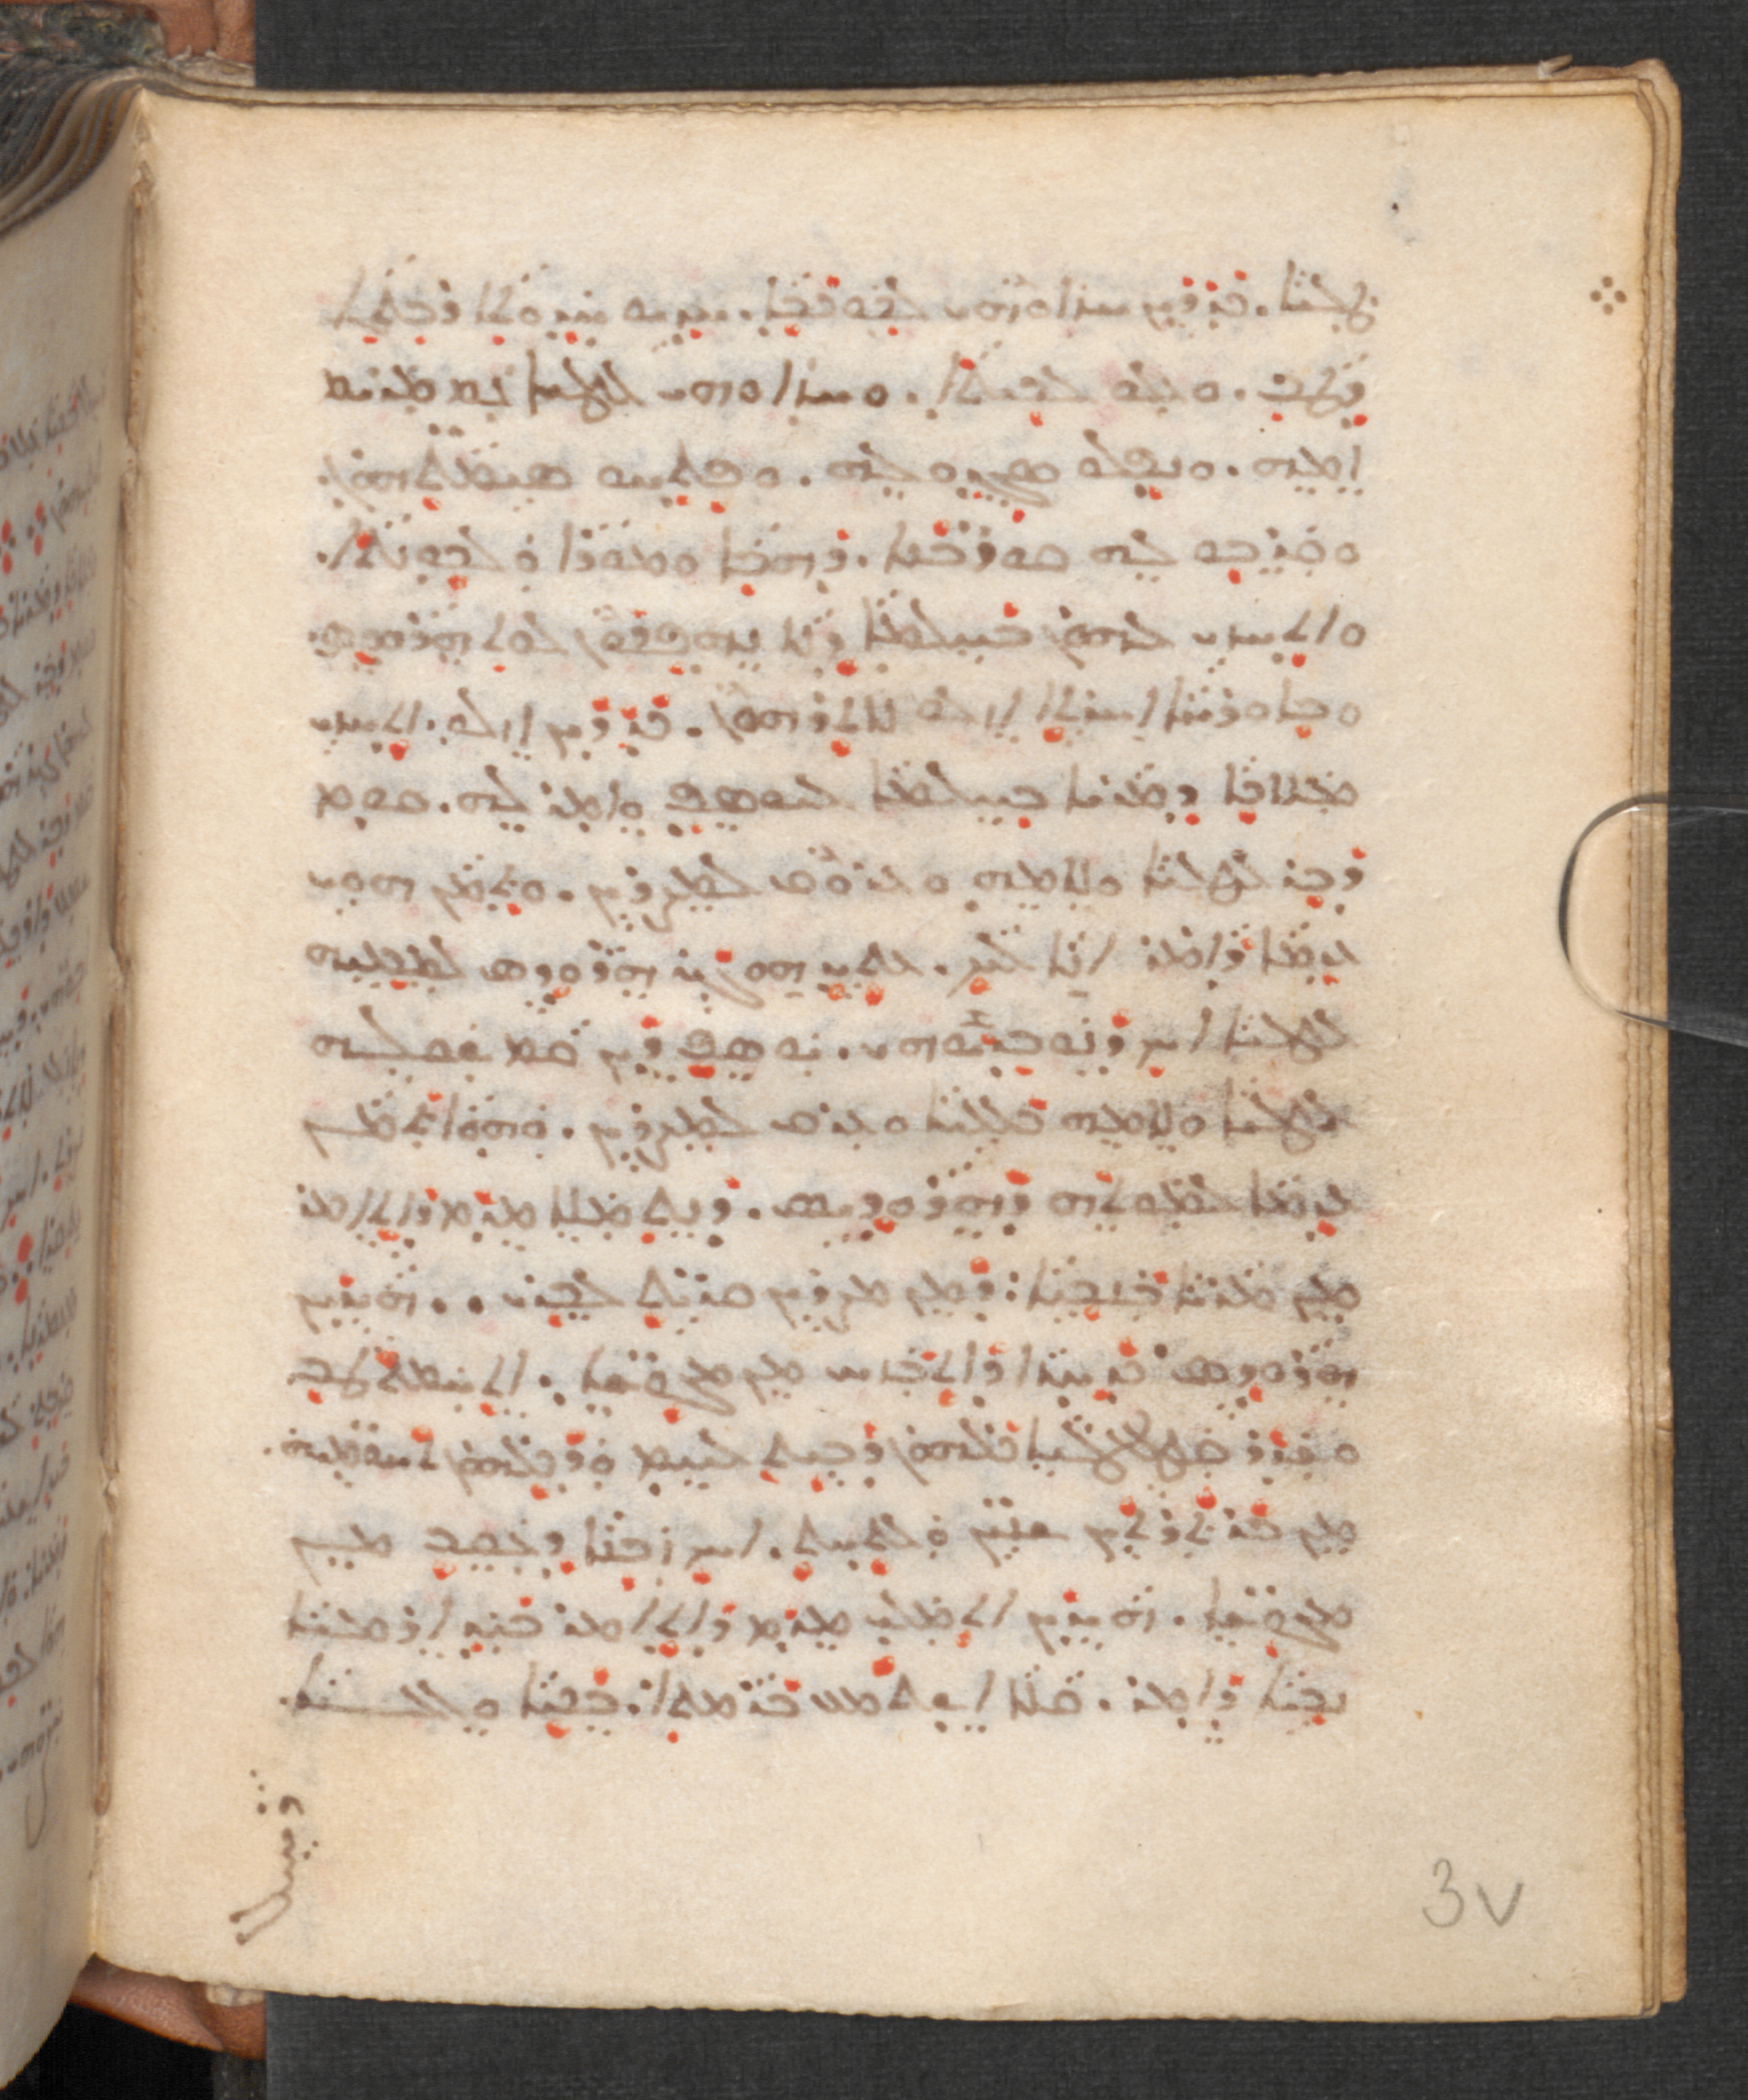ܛܠܝܐ. ܟܕ ܕܝܢ ܚܙܐܘܗܝ ܠܟܘܟܒܐ܆ ܚܕܝܘ ܚܕܘܬܐ ܪܒܬܐ
ܕܛܒ. ܘܥܠܘ ܠܒܝܬܐ܆ ܘܚܙܐܘܗܝ ܠܛܠܝܐ ܥܡ ܡܪܝܡ
ܐܡܗ. ܘܢܦ̣ܠܘ ܣܓܕܘ ܠܗ. ܘܦܬ̣ܚܘ ܣܝܡܬ̈ܗܘܢ܆
ܘܩܪܒܘ. ܠܗ ܩܘܪܒܢܐ. ܕܗܒܐ ܘܡܘܪܐ ܘܠܒܘܢܬܐ.
ܘܐܬܚܙܝ ܠܗܘܢ ܒܚܠܡܐ ܕܠܐ ܢܗܦܟܘܢ ܠܘܬ ܗܪܘܕܣ.
ܘܒܐܘܪܚܐ ܐܚܪܬܐ ܐܙܠܘ ܠܐܬܪܗܘܢ. ܟܕ ܕܝܢ ܐܙܠܘ܆ ܐܬܚܙܝ
ܡܠܐܟܐ ܕܡܪܝܐ ܒܚܠܡܐ ܠܝܘܣܦ ܘܐܡ̣ܪ ܠܗ. ܩܘܡ
ܕܒܪ ܠܛܠܝܐ ܘܠܐܡܗ ܘܥܪܘܩ ܠܡܨܪܝܢ. ܘܬܡܢ ܗܘܝ
ܥܕܡܐ ܕܐܡ̇ܪ ܐܢܐ ܠܟ. ܥܬܝܕ ܗܘ ܓܝܪ ܗܪܘܕܣ ܠܡܒܥܝܗ
ܠܛܠܝܐ ܐܝܟ ܕܢܘܒܕܝܘܗܝ. ܝܘܣܦ ܕܝܢ ܩܡ ܫܩܠܗ
ܠܛܠܝܐ ܘܠܐܡܗ ܒܠܠܝܐ ܘܥܪܩ ܠܡܨܪܝܢ. ܘܗܘܐ ܬܡܢ
ܥܕܡܐ ܠܡܘܬܗ ܕܗܪܘܕܝܣ. ܕܢܬܡܠܐ ܡܕܡ ܕܐܬܐܡܪ
ܡ̣ܢ ܡܪܝܐ ܒܢܒܝܐ: ܕܡ̣ܢ ܡܨܪܝܢ ܩܪܝܬ ܠܒܪܝ.. ܗܝܕܝܢ
ܗܪܘܕܣ ܟܕ ܚ̣ܙܐ ܕܐܬܒܙܚ ܡ̣ܢ ܡܓܘ̈ܫܐ܆ ܐܬܚܡܬ ܛܒ
ܘܫܕܪ ܩܛܠ ܛܠܳܝ̈ܐ ܟܠܗܘܢ ܕܒܝܬ݂ܠܚܡ ܘܕܟܠܗܘܢ ܬܚܘ̈ܡܝܗ̇.
ܡ̣ܢ ܒܪ ܬܪܬܝܢ ܫܢܝ̈ܢ ܘܠܬܚܬ. ܐܝܟ ܙܒܢܐ ܕܥܩܒ ܡ̣ܢ
ܡܓܘ̈ܫܐ. ܗܝܕܝܢ ܐܬܡܠܝ ܡܕܡ ܕܐܬܐܡܪ ܒܝܕ ܐܪܡܝܐ
ܢܒܝܐ ܕܐܡ̣ܪ. ܩܠܐ ܐܫܬܡܥ ܒܪܡܬܐ܇ ܒܟܝܐ ܘܐܠܝܐ
܀
ܪܚܝܠ
3V